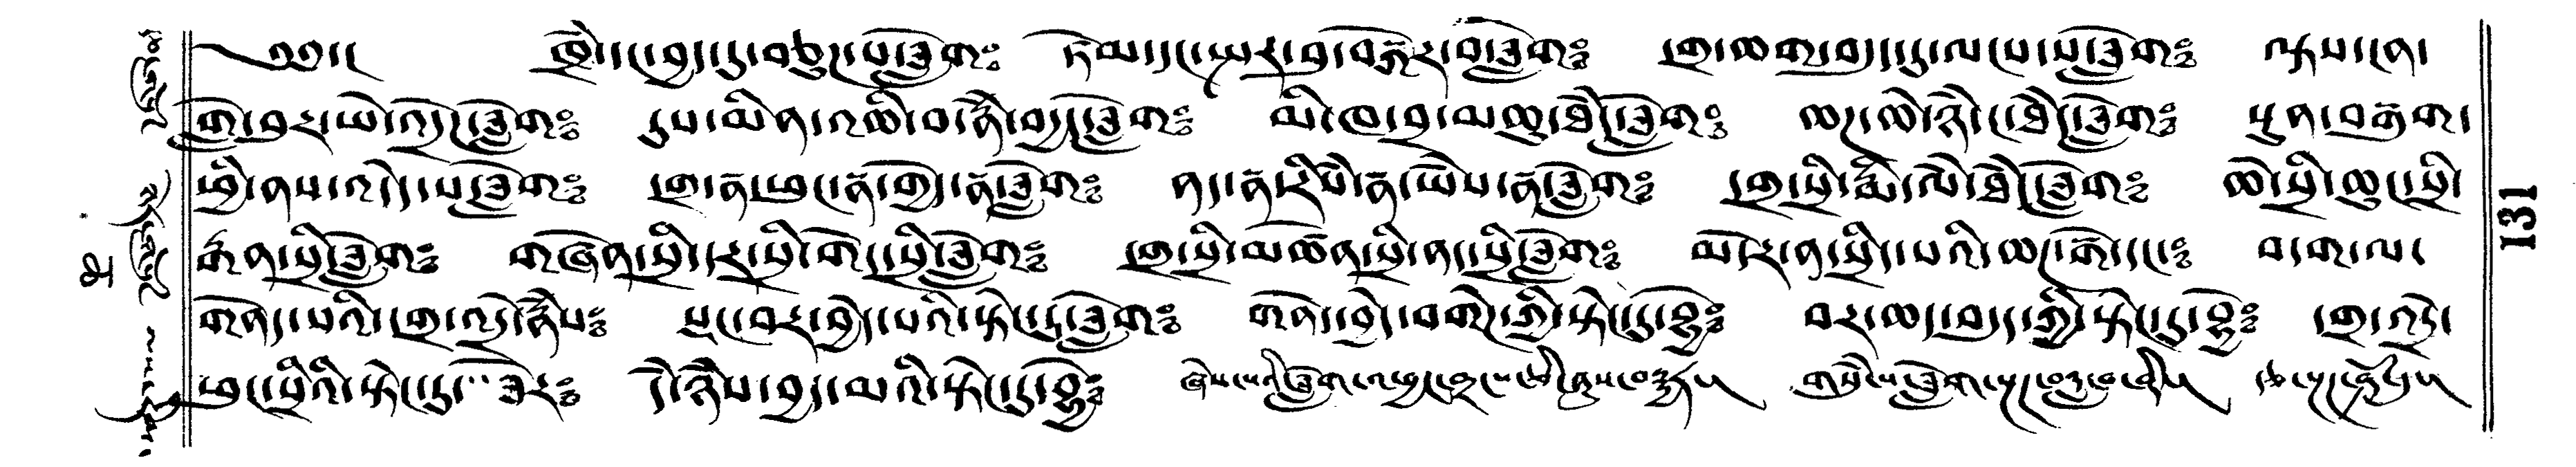ཁྲམ་དང་བྱད་དུ་བཅུག་པ་ཟློག༔ ཧོམ་དང་སྤར་བུ་བསྐོར་བ་ཟློག༔ དགྲ་ཆག་བདུད་དུ་ལངས་པ་ཟློག༔ ལྟས་ངན་
གློ་བུར་ཡེ་འདྲོག་ཟློག༔ དུས་མིན་འཆི་བ་རྣམ་བརྒྱད་ཟློག༔ མི་ཁ་བྲ་མཆུ་ཐམས་ཅད་ཟློག༔ ཆགས་ཆེ་ཉམ་ང་ཐམས་ཅད་ཟློག༔ སྔུན་བསྒུག་
ཕྱིས་ནས་འདེད་པ་ཟློག༔ དགྲ་སྣ་ཕུང་སྣ་གྱོད་སྣ་ཟློག༔ ནད་སྣ་རིམས་སྣ་ཡམས་སྣ་ཟློག༔ དགྲ་སྲི་རྨི་ལམ་ཐམས་ཅད་ཟློག༔ ཆེ་སྲི་ཆུང་སྲི་
རྒན་སྲི་ཟློག༔ གཞོན་སྲི་དར་སྲི་གོད་སྲི་ཟློག༔ དགྲ་སྲི་མཚོན་སྲི་ནད་སྲི་ཟློག༔ མདོར་ན་སྲིད་པའི་ཆག་སྒོ་དང༔ བདག་ལ་
གནོད་པའི་དགྲ་འདྲེ་རྣམས༔ སྡང་བར་བྱེད་པའི་སྟེང་དུ་ཟློག༔ གནོད་བྱེད་བགེགས་ཀྱི་སྟེང་དུ་བྷྱོ༔ བར་ཆད་བདུད་ཀྱི་སྟེང་དུ་བྷྱོ༔ དགྲ་འདྲེ་
ཕུང་སྲིའི་སྟེང་དུ་ཟོར༔ དམ་ཉམས་བྱད་མའི་སྟེང་དུ་བྷྱོ༔ ཞེས་པའི་ཟློག་འཕྱང་གྲངས་ཅི་ནུས་བསྐྱར། གསུམ་པ་ཟློག་སྔགས་བཟླ་བ་ནི། རྩ་སྔགས་ཤམ་དུ།